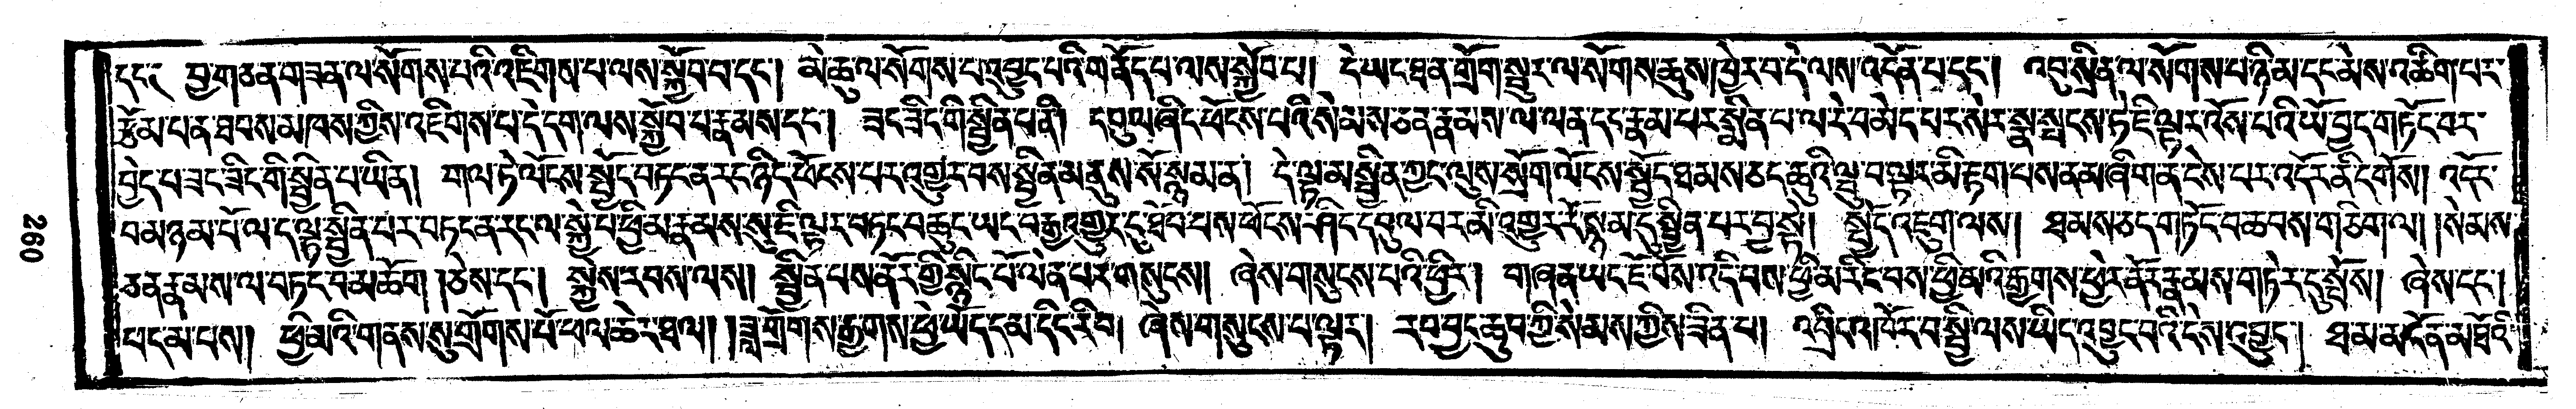དང༑ བྱ་གཅན་གཟན་ལ་སོགས་པའི་འཇིགས་པ་ལས་སྐྱོབ་བ་དང་། མེ་ཆུ་ལ་སོགས་པ་འབྱུང་པའི་གནོད་པ་ལས་སྐྱོབ་པ། དེ་ཡང་ཐ་ན་གྲོག་སྦུར་ལ་སོགས་ཆུས་ཁྱེར་བ་དེ་ལས་འདོན་པ་དང་། འབུ་སྲིན་ལ་སོགས་པ་ཉི་མ་དང་མེས་འཚིག་པར་
རྩོམ་པ་ན་ཐབས་མཁས་ཀྱིས་འཇིགས་པ་དེ་དག་ལས་སྐྱོབ་པ་རྣམས་དང་། ཟང་ཟིང་གི་སྦྱིན་པ་ནི། དབུལ་ཞིང་ཕོངས་པའི་སེམས་ཅན་རྣམས་ལ་ལན་དང་རྣམ་པར་སྨིན་པ་ལ་རེ་བ་མེད་པར་སེར་སྣ་སྤངས་ཏེ་ཇི་ལྟར་འོས་པའི་ཡོ་བྱད་གཏོང་བར་
བྱེད་པ་ཟང་ཟིང་གི་སྦྱིན་པ་ཡིན། གལ་ཏེ་ལོངས་སྤྱོད་བཏང་ན་རང་ཉིད་ཕོངས་པར་འགྱུར་བས་སྦྱིན་མ་ནུས་སོ་སྙམ་ན། དེ་ལྟ་མ་སྦྱིན་ཀྱང་ལུས་སྲོག་ལོངས་སྤྱོད་ཐམས་ཅད་ཆུའི་ལྦུ་བ་ལྟར་མི་རྟག་པས་ནམ་ཞིག་ན་ངེས་པར་འདོར་ནི་དགོས། འདོར་
བ་མཉམ་པོ་ལ་ད་ལྟ་སྦྱིན་པར་བཏང་ན་རང་ལ་སྐྱེ་པ་ཕྱི་མ་རྣམས་སུ་ཇི་ལྟར་བཏང་བ་ཆུང་ཡང་བརྒྱ་འགྱུར་དུ་ཐོབ་པས་ཕོངས་ཤིང་དབུལ་བར་མི་འགྱུར་རོ་སྙམ་དུ་སྦྱིན་པར་བྱ་སྟེ། སྤྱོད་འཇུག་ལས། ཐམས་ཅད་གཏོང་བ་ཆབས་གཅིག་ལ། །སེམས་
ཅན་རྣམས་ལ་བཏང་བ་མཆོག །ཅེས་དང་། སྐྱེས་རབས་ལས། སྦྱིན་པས་ནོར་གྱི་སྙིང་པོ་ལེན་པར་གསུངས། ཞེས་གསུངས་པའི་ཕྱིར། གཞན་ཡང་ཇོ་བོས་འདི་བས་ཕྱི་མ་རིང་བས་ཕྱི་མའི་རྒྱགས་ཕྱེར་ནོར་རྣམས་གཏེར་དུ་སྤོས། ཞེས་དང་།
པད་མ་པས། ཕྱི་མའི་གནས་སུ་གྲོགས་པོ་ཕལ་ཆེར་ཐལ། །ཟླ་གྲོགས་རྒྱ་གས་ཕྱེ་ཡོད་དམ་དིང་རིབ། ཞེས་གསུངས་པ་ལྟར། རབ་བྱང་ཆུབ་ཀྱི་སེམས་ཀྱིས་ཟིན་པ། འབྲིང་འཁོར་བ་སྦྱི་ལས་ཡིད་འབྱུང་བའི་ངེས་འབྱུང་། ཐ་མ་མངོན་མཐོའི་